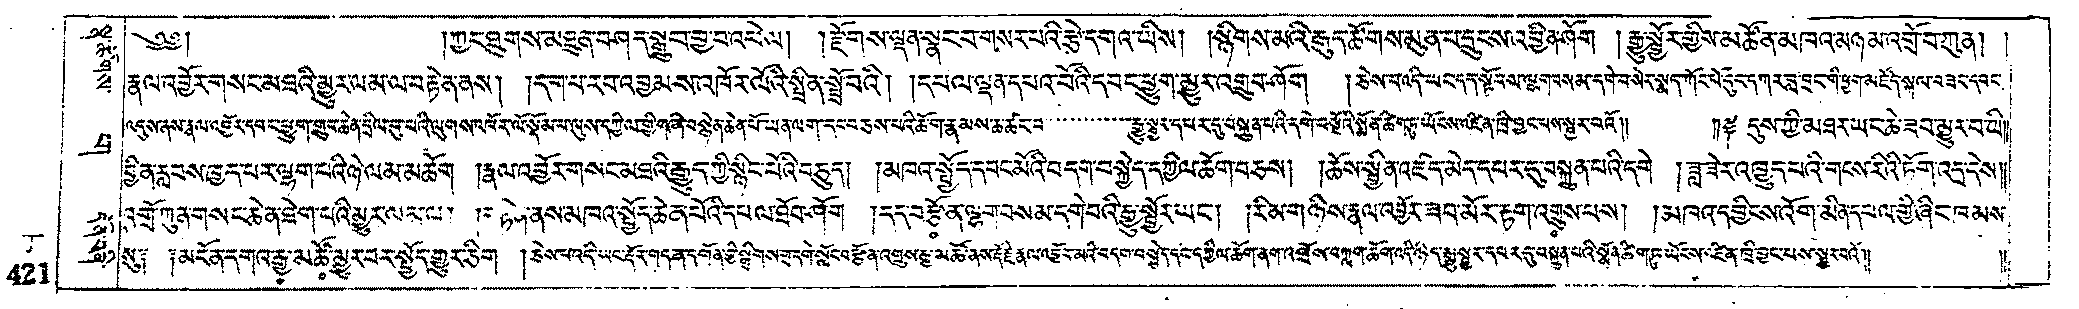༄༅། །ཀྱང་ཐུགས་མཐུན་བཤད་སྒྲུབ་བྱ་བ་འཕེལ། །རྫོགས་ལྡན་སྣང་བ་གསར་པའི་རྩེ་དགའ་ཡིས། །སྙིགས་མའི་རྒུད་ཚོགས་མུན་པ་དྲུངས་འབྱིན་ཤོག །རྒྱུ་སྦྱོར་གྱིས་མཚོན་མཁའ་མཉམ་འགྲོ་བ་ཀུན། །
རྣལ་འབྱོར་གསང་མཐའི་མྱུར་ལམ་ལ་བརྟེན་ནས། །དག་པ་རབ་འབྱམས་འཁོར་ལོའི་སྤྲིན་སྤྲོ་བའི། །དཔལ་ལྡན་དཔའ་བོའི་དབང་ཕྱུག་མྱུར་འགྲུབ་ཤོག །ཅེས་པ་འདི་ཡང་དད་སྟོབས་ལྷག་བསམ་དགེ་བ་སེར་སྨད་ཀོང་པོ་དུང་དཀར་བླ་བྲང་གི་ཕྱག་མཛོད་སྐལ་བཟང་དབང་
འདུས་ནས་རྣལ་འབྱོར་དབང་ཕྱུག་གྲུབ་ཆེན་དྲིལ་བུ་པའི་ལུགས་འཁོར་ལོ་སྡོམ་པ་ལུས་དཀྱིལ་གྱི་གཞི་བསྙེན་ཆེན་པོ་ཡན་ལག་དང་བཅས་པའི་ཆོ་ག་རྣམས་ཆ་ཚང་བ་་་རྒྱུ་སྦྱར་དཔར་དུ་བསྐྲུན་པའི་དགེ་བསྔོའི་སྨོན་ཚིག་ཏུ་ཡོངས་འཛིན་ཁྲི་བྱང་པས་སྦྱར་བའོ།། །།འ་དུས་ཀྱི་མཐར་ཡང་ཆེ་ཟབ་མྱུར་བ་ཡི།།
བྱིན་རླབས་ཁྱད་པར་ལྷག་པའི་ཉེ་ལམ་མཆོག །རྣལ་འབྱོར་གསང་མཐའི་རྒྱུད་ཀྱི་སྙིང་པོའི་བཅུད། །མཁའ་སྤྱོད་དབང་མོའི་བདག་བསྐྱེད་དཀྱིལ་ཆོག་བཅས། །ཆོས་སྦྱིན་འཛད་མེད་དཔར་དུ་བསྐྲུན་པའི་དགེ །ཟླ་ཟེར་འཁྱུད་པའི་གངས་རིའི་ཏོག་འདྲ་དེས།།
འགྲོ་ཀུན་གསང་ཆེན་ཐེག་པའི་མྱུར་ལམ་ལ། །བརྟེན་ནས་མཁའ་སྤྱོད་ཆེན་པོའི་དཔལ་ཐོབ་ཤོག །དད་བརྩོན྾་ལྷག་བསམ་དགེ་བའི་རྒྱུ་སྦྱོར་ཡང་། །རིམ་གཉིས་རྣལ་འབྱོར་ཟབ་མོར་རྟག་འགྲུས྾་པས། །མཁའ་དབྱིངས་འོག་མིན་དཔལ་གྱི་ཞིང་ཁམས་
སུ༑ ༑མངོན་དགའ་རྒྱ྾་མཚོ྾་མྱུར་བར་སྤྱོད་གྱུར་ཅིག །ཅེས་པ་འདི་ཡང་རྡོར་གདན་དགོན་གྱི་སྒྲིགས་གྲ་དགེ་སློང་བརྩོན་འགྲུས་རྒྱ་མཚོ་ནས་རྡོ་རྗེ་རྣལ་འབྱོར་མའི་བདག་བསྐྱེད་དང་དཀྱིལ་ཆོག་ནག་འགྲོས་བཀླག་ཆོག་འདི་ཉིད་རྒྱུ་སྦྱར་དཔར་དུ་བསྐྲུན་པའི་སྨོན་ཚིག་ཏུ་ཡོངས་འཛིན་ཁྲི་བྱང་པས་སྦྱར་བའོ།། །།